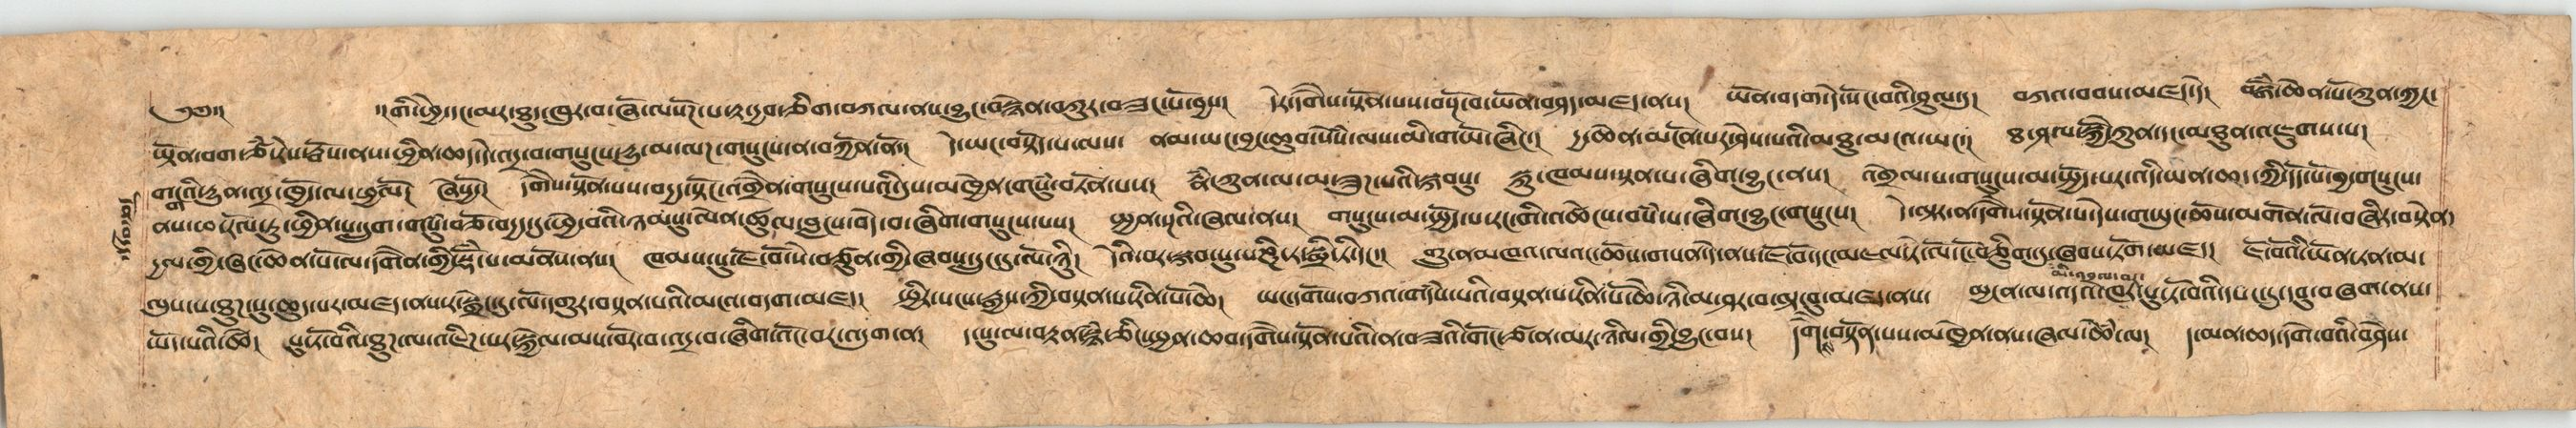་།གི་ཕྱེ་དང་མར་ཐུད་ཁུར་བ་ཞོ་ལསོཌ་པ་རྟ་དྱབ་གཅིག་བཀལ་ནས་བྱུང་བསྙེན་བཀུར་བཟང་པོ་བྱས། དེར་དགཻས་སྟོན་པས་བསྔོ་བ་ཡོན་བཤད་མཛད་ནས། ཡོན་བདག་དེ་སོང་བའི་ཤུལ་དུ། བཀའ་བབས་མཛད་དེ། བསྒོཾ་ཆེན་པོ་ཀུན་ཀྱང་
ཡྟོན་བག་ཙཾ་རེས་རྦོས་ནས་ཕྱིན་ཆད་དེ་འདྲ་བ་གསུངས་དྱུ་མ་ལཌ་གསུངས་ན་བཀྱོན་ནོ་། དེ་ཡང་བསྟོད་པ་ལས། ནམ་ཡང་བྱང་ཆུབ་སེཾས་ལས་མི་གཡོ་ཞིང་། དྱ་ཆེན་མངོན་པར་ཤེས་པའི་མཐུ་མངའ་ཡང་། ཐ་ཤལ་སྐྱོེ་ཀུན་དང་མཐུན་འཇུགས་པ།
གངྒའི་དྱུན་འདྲ་ཁྱོད་ལ་ཕྱཚལོ། ཞེསྱོ། དགཻས་སྟོན་པས་བདྱད་སྟོང་འགྲཻན་གསུངས་པའི་དུས་སུ་མཁྱེན་གསུཾ་བཏོན་པས། རྣཾ་ཀུན་ལ་མ་ཟུཌ་པའི་སྐབསུ། སྐུ་ཁམས་སྟན་པ་ཞིག་བྱུང་ནས། འགྲེལ་པ་གསུངས་མ་སྤྱོད་པར་འདི་ཡན་ཆད་ཀྱི་དོད་པོ་བྱ་གསུངས་
ནས་ཕ་རོལ་ཏུ་ཕྱིན་པ་དྲུག་གསུཾ་བཅོ་བདྱད་དུ་ཕྱེ་བའི་ཉམསུ་ལེན་ཚུལ་བླངས་བདེ་བ་ཞིག་གསུངས་པས། སྤྱན་ལྔའི་ཞལ་ནས། གསུངས་མ་སྤྱོད་པ་རང་གི་འཚེངས་བསཾ་པ་ཞིག་བྱུང་གསུངས། དེ་ལྟར་ན་དགཻས་སྟོན་པ་དེས་གཡུང་ཆོས་མགོན་ལོ་བཞིར་བསྟེན།
དྱལ་གྱི་ཞང་ཆེན་པོ་ལ་དགཻན་གྱི་སྡོཾ་པ་མནོས་ནས། ཁམས་སུ་ཇོ་བོ་སེ་བཙུན་གྱི་ཞབས་དྲུང་དུ་ལོ་ཉིུ། དེའི་བར་སྐབསུ་པཎྜི་ཏ་སྨྲི་ཏི་དང་། གྲུ་ནམཁའ་ལའང་ཆོས་གསན་དེ་ནས་ཇོ་བོ་དང་མཇལ་ཏེ་ལོ་ངོ་བཅིུག་དུ་ཞབས་ཏོག་མཛད། ཇོ་བོའི་ཡོན་ཏན་མ་
ལུས་པ་ཐུཌ་སུ་ཆུད་པར་མཛད་ནས་ར་སྒྲེང་དུ་ལོ་དགུར་བསྟན་པའི་མངའ་བདག་མཛད་དེ། སྤྱིར་སངས་རྒྱས་ཀྱི་བསྟན་པ་རིན་པོ་ཆེ། ཡང་དགོས་བཀའ་གདཾས་པའི་བསྟན་པ་རིན་པོ་ཆེ་ཉི་མ་ཤར་བ་ལྟ་བུ་མཛད་ནས། མྱངན་ལས་འདའ་ཁར་པུ་ཏོ་བའི་པང་དུ་དབུ་བཞག་ནས་
ཡོད་པའི་ཚེ། པུ་ཏོ་བའི་ཐུཌ་ལ་འཇིཌ་སར་སྐྱེལ་མས་བོར་བ་འདྲ་བ་ཞིག་འོང་བར་འདུག་ན། ད་སུ་ལ་བརྟན་སྙཾ་ཅིང་སྤྱན་ཆབ་དགཻས་སྟོན་པའི་ན་བཟའི་གོང་ཙ་ན་མར་ཉིལ་གྱི་བྱུང་བས། དགཻས་སྟོན་པས་མཁྱེན་ནས་ཞལ་ཆེཾ་ལ། ད་མན་ཆད་དགེ་བའི་བཤེས་